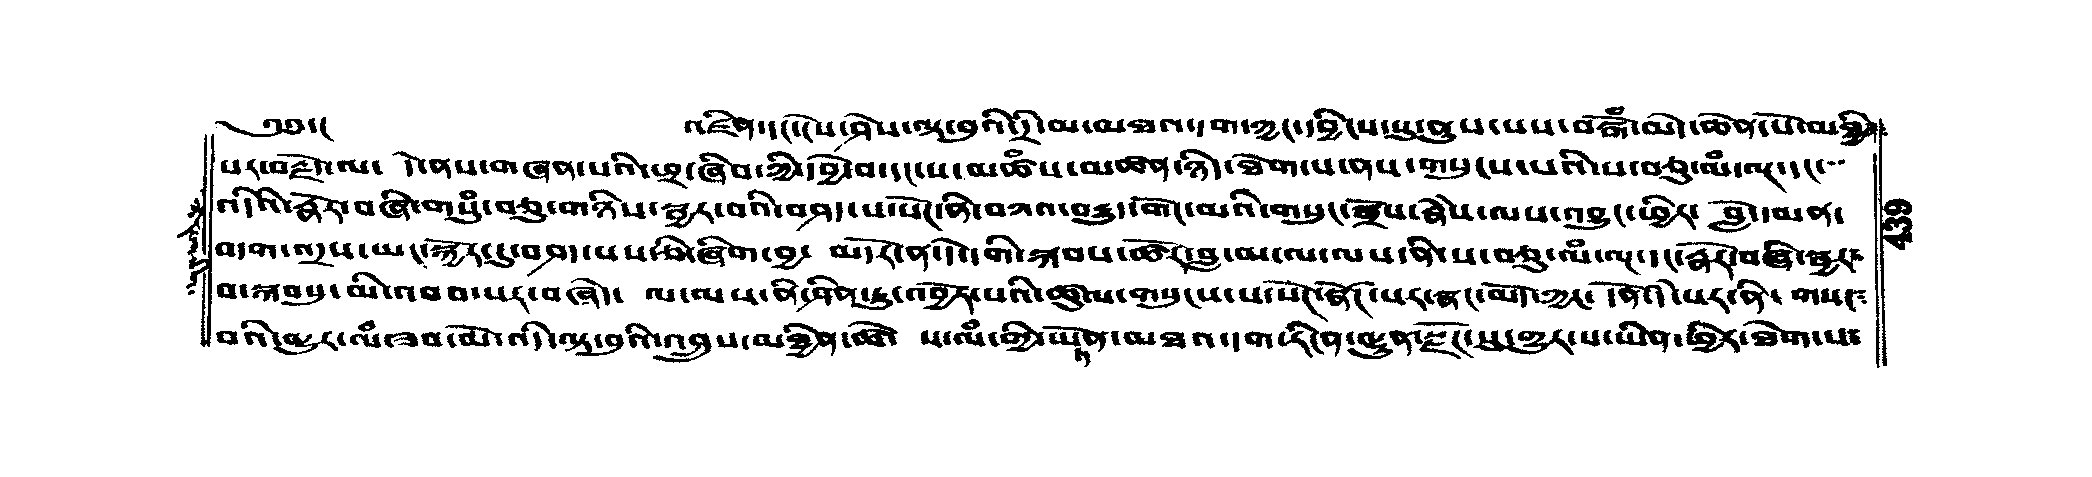འཛིན་དང་ངེས་ཤེས་ལྟ་བུའི་དྲི་མ་མཐའ་དག་ཀྱང་དབྱིངས་སུ་ནུས་པས་བསྒོམ་མེད་ཆེན་པོ་མཐར་ཕྱིན
པར་བརྗོད་ལ། དེ་ནས་གཞན་པའི་ཕྲ་ཞིབ་ཀྱི་དབྱེ་བ་དང་ས་མཚམས་མཚན་ཉིད་ཐེག་པ་ནས་གསུངས་པའི་ས་བཅུ་ལམ་ལྔ་དང་
འདིའི་རྣལ་འབྱོར་བཞི་གསུམ་བཅུ་གཉིས་སྦྱར་བའི་བཤད་པ་སོགས་ནི་བཀའ་བརྒྱུད་གོང་མའི་གསུང་སྒྲོས་རྣམས་ལས་འབྱུང་ཕྱིར། བློ་དམན་
བདག་འདྲས་ཡང་སྐྱོར་དུ་བཤད་པས་ཅི་ཞིག་བྱ། མདོར་ན་དེ་དག་གི་སྐབས་ཚོར་བླ་མ་ལ་ལས་ནི་ས་བཅུ་ལམ་ལྔ་དང་རྣལ་འབྱོར་བཞི་སྦྱར་
བ་སྐབས་མི་འབབ་པར་བཞེད།ལ་ལས་ནི་ཤིན་ཏུ་འབྱོར་པའི་ཚུལ་གསུངས་པ་སོགས་སྣ་ཚོགས་པར་སྣང་མོད་ཀྱང་། དོན་དམ་པར་ནི། གསང་
བའི་མྱུར་ལམ་ཟབ་མོ་འདི་ལྟ་བུའི་མཐར་ཕྱིན་ཚེ། ས་ལམ་གྱི་ཡོན་ཏན་མཐའ་དག་རང་བཞིན་ལྷུན་རྫོགས་སུ་གྱུར་ཡིན་ཕྱིར་ཐེག་པ་